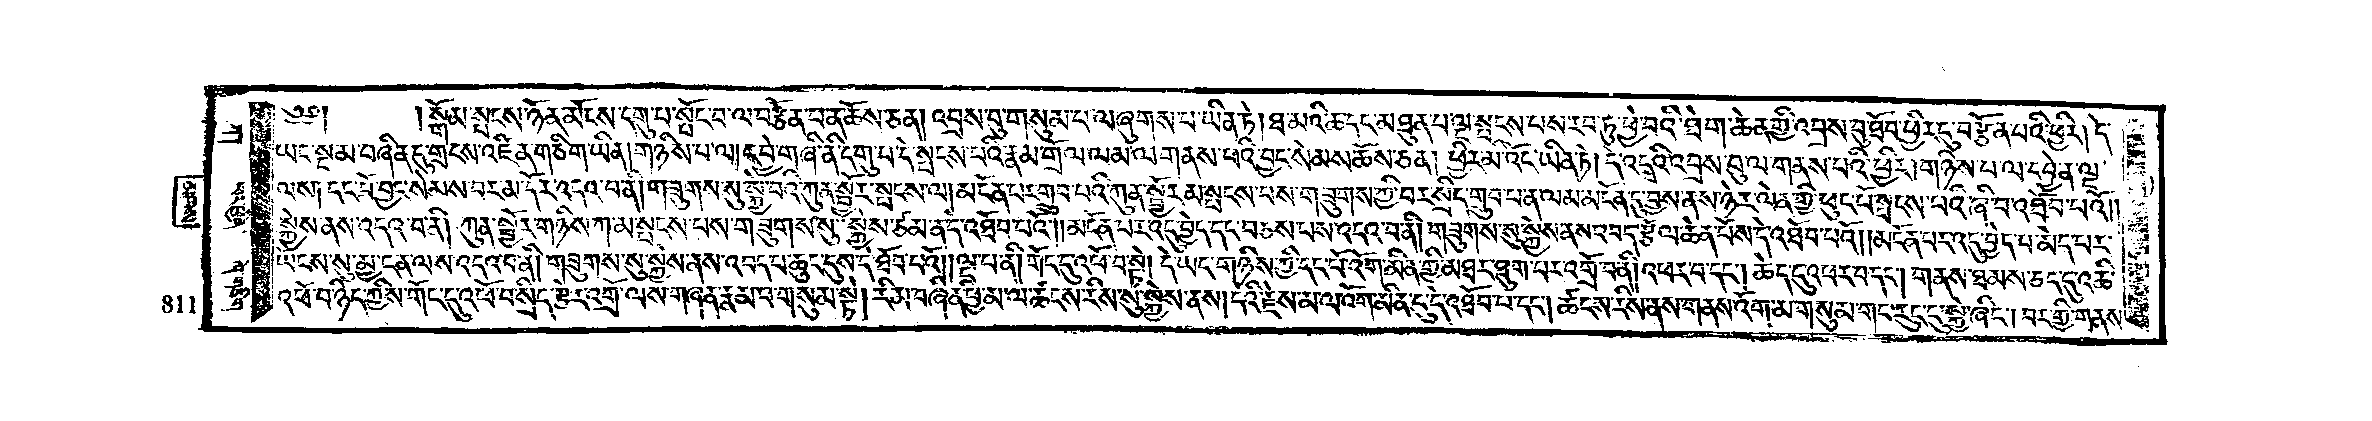༄༅། །སྒོམ་སྤངས་ཉོན་མོངས་དགུ་པ་སྤོང་བ་ལ་བརྩོན་པ་ན་ཆོས་ཅན། འབྲས་བུ་གསུམ་པ་ལ་ཞུགས་པ་ཡིན་ཏེ། ཐ་མའི་ཆ་དང་མཐུན་པ་ལྔ་སྤངས་པས་རབ་ཏུ་ཕྱེ་བའི་ཐེག་ཆེན་གྱི་འབྲས་བུ་ཐོབ་ཕྱིར་དུ་བརྩོན་པའི་ཕྱིར། དེ་
ཡང་སྔ་མ་བཞིན་དུ་གྲངས་འཛིན་གཅིག་ཡིན། གཉིས་པ་ལ། དབྱེ་གཞི་ནི་དགུ་པ་དེ་སྤངས་པའི་རྣམ་གྲོལ་ལམ་ལ་གནས་པའི་བྱང་སེམས་ཆོས་ཅན། ཕྱིར་མི་འོང་ཡིན་ཏེ། དེ་འདྲའི་འབྲས་བུ་ལ་གནས་པའི་ཕྱིར། གཉིས་པ་ལ་དབྱེ་ན་ལྔ་
ལས། དང་པོ་བྱང་སེམས་བར་མ་དོར་འདའ་བ་ནི། གཟུགས་སུ་སྐྱེ་བའི་ཀུན་སྦྱོར་སྤངས་ལ། མངོན་པར་གྲུབ་པའི་ཀུན་སྦྱོར་མ་སྤངས་པས་གཟུགས་ཀྱི་བར་སྲིད་གྲུབ་པ་ན་ལམ་མངོན་དུ་བྱས་ནས་ཉེར་ལེན་གྱི་ཕུང་པོ་སྤངས་པའི་ཞི་བ་འཐོབ་པའོ། །
སྐྱེས་ནས་འདའ་བ་ནི། ཀུན་སྦྱོར་གཉིས་ཀ་མ་སྤངས་པས་གཟུགས་སུ་སྐྱེས་ཙམ་ན་དེ་འཐོབ་པའོ། །མངོན་པར་འདུ་བྱེད་དང་བཅས་པས་འདའ་བ་ནི། གཟུགས་སུ་སྐྱེས་ནས་འབད་རྩོལ་ཆེན་པོས་དེ་འཐོབ་པའོ། །མངོན་པར་འདུ་བྱེད་པ་མེད་པར་
ཡོངས་སུ་མྱ་ངན་ལས་འདའ་བ་ནི། གཟུགས་སུ་སྐྱེས་ནས་འབད་པ་ཆུང་དུས་དེ་ཐོབ་པའོ། །ལྔ་པ་ནི། གོང་དུ་འཕོ་བ་སྟེ། དེ་ཡང་གཉིས་ཀྱི་དང་པོ་འོག་མིན་གྱི་མཐར་ཐུག་པར་འགྲོ་བ་ནི། འཕར་བ་དང་། ཆེད་དུ་འཕར་བ་དང་། གནས་ཐམས་ཅད་དུ་འཆི་
འཕོ་བ་ཉིད་ཀྱིས་གོང་དུ་འཕོ་བ་སྲིད་རྩེར་འགྲོ་ལས་གཞན་རྣམ་པ་གསུམ་སྟེ། རིམ་བཞིན་ཕྱི་མ་ལ་ཚངས་རིས་སུ་སྐྱེས་ནས། དེའི་རྗེས་མ་ལ་འོག་མིན་དུ་དེ་འཐོབ་པ་དང་། ཚངས་རིས་ནས་གནས་འོག་མ་གསུམ་གང་རུང་དུ་སྐྱེ་ཞིང་། བར་གྱི་གནས་